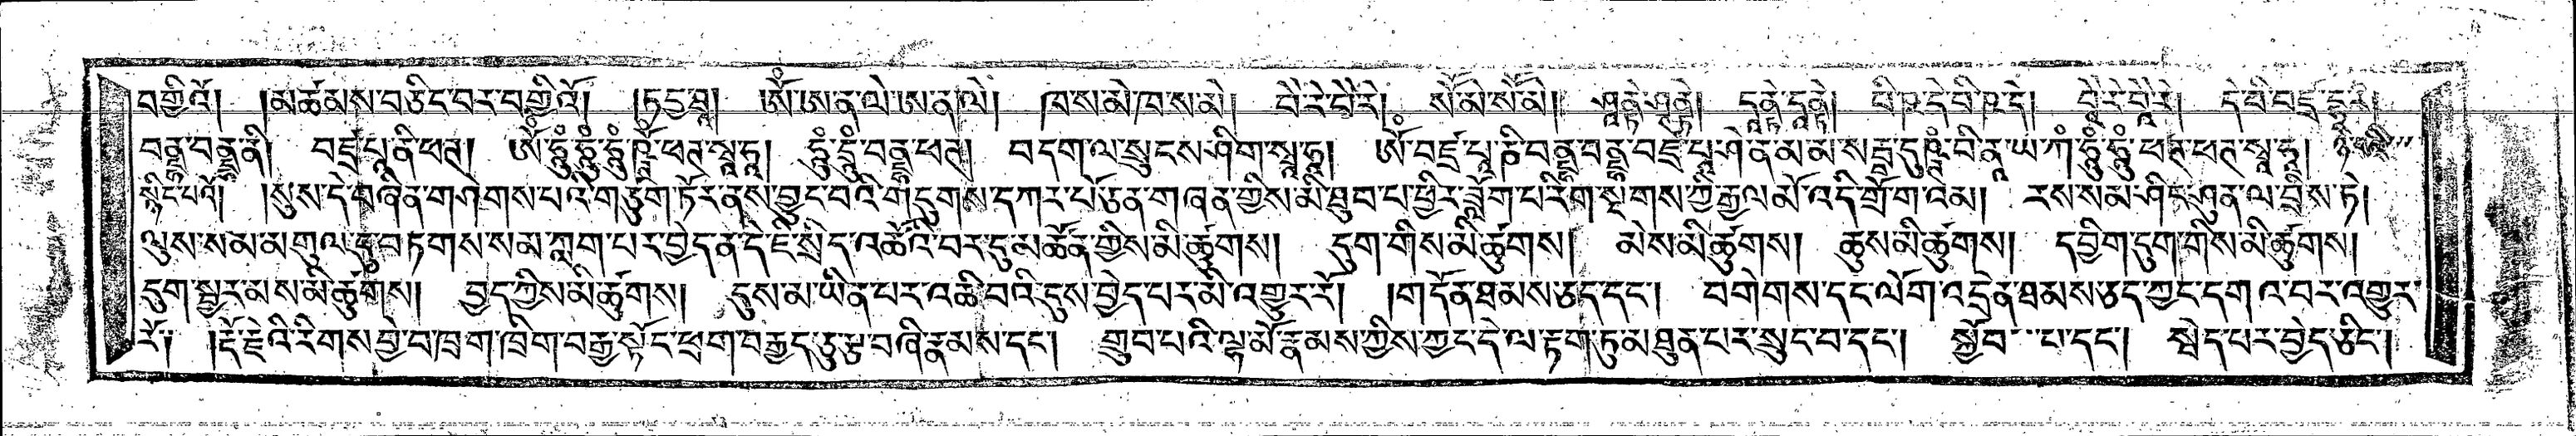བགྱིའོ༑ །མཚམས་བཅིང་བར་བགྱིའོ། །ཏ་དྱ་ཐཱ། ཨོཾ་ཨ་ན་ལེ་ཨ་ན་ལེ། ཁ་ས་མེ་ཁ་ས་མེ། བཻ་རེ་བཻ་རེ། སཽ་མེ་སཽ་མེ། ཤཱནྟེ་ཤཱནྟེ། དཱནྟེ་དཱནྟེ། པི་ཥ་དེ་བི་ཥ་དེ། བEཨེ་རེ་བEཨེ་རེ། དེ་བི་བྫྲ་དྷཱ་རི།
བནྡྷ་བནྡྷ་ནི། བཛྲ་པཱ་ནི་ཕཊ། ཨོཾ་ཧཱུཾ་ཧཱུཾ་ཧཱུཾ་ཥྚོཾ་ཕཊ་སྭཱ་ཧཱ། ཧཱུཾ་དྲཱུཾ་བནྡྷ་ཕཊ། བདག་ལ་སྲུངས་ཤིག་སྭཱ་ཧཱ། ཨོཾ་བྫྲ་པཱ་ཎི་བནྡྷ་བནྡྷ་བཛྲ་པཱ་ཤེ་ན་མ་མ་སརྦྦ་དུ་ཥྚཾ་བི་ནཱ་ཡ་ཀཾ་ཧཱུཾ་ཧཱུཾ་ཕཊ་ཕཊ་སྭཱ་ཧཱ། ཉེ་བའི་
སྙིང་པོའི། །སུས་དེ་བཞིན་གཤེགས་པའི་གཙུག་ཏོར་ནས་བྱུང་བའི་གདུགས་དཀར་པོ་ཅན་གཞན་གྱིས་མི་ཐུབ་པ་ཕྱིར་ཟློག་པ་རིག་སྔགས་ཀྱི་རྒྱལ་མོ་འདི་གྲོ་ག་འམ། རས་སམ་ཤིང་ཤུན་ལ་བྲིས་ཏེ།
ལུས་སམ་མགུལ་དུ་བཏགས་སམ་ཀླག་པར་བྱེད་ན་དེ་ཇི་སྲིད་འཚོའི་བར་དུ་མཚོན་གྱིས་མི་ཚུགས། དུག་གིས་མི་ཚུགས། མེས་མི་ཚུགས། ཆུས་མི་ཚུགས། དབྱིག་དུག་གིས་མི་ཚུགས།
དུག་སྦྱར་མས་མི་ཚུགས། བྱད་ཀྱིས་མི་ཚུགས། དུས་མ་ཡིན་པར་འཆི་བའི་དུས་བྱེད་པར་མི་འགྱུར་རོ། །གདོན་ཐམས་ཅད་དང་། བགེགས་དང་ལོག་འདྲེན་ཐམས་ཅད་ཀྱང་དགའ་བར་འགྱུར་
རོ༑ ༑རྡོ་རྗེའི་རིགས་བྱེ་བ་ཁྲག་ཁྲིག་བརྒྱ་སྟོང་ཕྲག་བརྒྱད་ཅུ་རྩ་བཞི་རྣམས་དང་། གྲུབ་པའི་ལྷ་མོ་རྣམས་ཀྱིས་ཀྱང་དེ་ལ་རྟག་ཏུ་མཐུན་པར་སྲུང་བ་དང་། སྐྱོབ་པ་དང་། སྦེད་པར་བྱེད་ཅིང་།